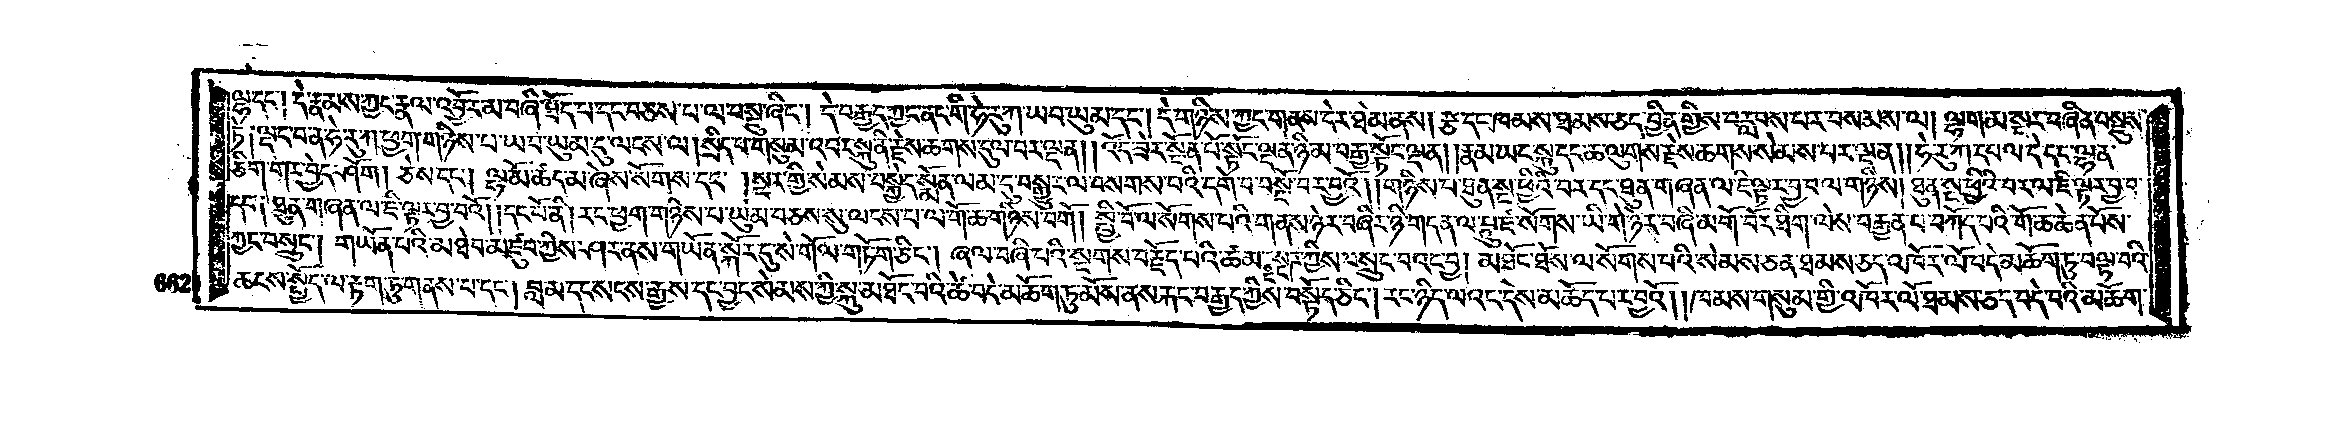ལྷ་དང་། དེ་རྣམས་ཀྱང་རྣལ་འབྱོར་མ་བཞི་ཐོད་པ་དང་བཅས་པ་ལ་བསྡུ་ཞིང་། དེ་བརྒྱད་ཀྱང་ནང་གི་ཧེ་རུ་ཀ་ཡབ་ཡུམ་དང་། དེ་གཉིས་ཀྱང་གནས་དེར་ཐིམ་ནས། རྩ་དང་ཁམས་ཐམས་ཅད་བྱིན་གྱིས་བརླབས་པར་བསམས་ལ། ལྷག་མ་སྔར་བཞིན་བསྡུས་ཏེ། ལྡང་བ་ན་ཧེ་རུ་ཀ་ཕྱག་གཉིས་པ་ཡབ་ཡུམ་དུ་ལངས་ལ། སྲིད་པ་གསུམ་འབར་སྐུ་ནི་རྗེས་ཆགས་དུལ་བར་ལྡན། །འོད་ཟེར་སྔོན་པོ་སྟོང་ལྡན་ཉི་མ་བརྒྱ་སྟོང་ལྡན། །རྣམ་མང་སྐུ་དང་ཆ་ལུགས་རྗེས་ཆགས་སེམས་པར་ལྡན། །ཧེ་རུ་ཀ་དཔལ་དེ་དང་ལྷན་
ཅིག་གར་བྱེད་ཤོག །ཅེས་དང་། ལྷ་མོ་ཚད་མ་ཞེས་སོགས་དང་། སྔར་གྱི་སེམས་བསྐྱེད་སྨོན་ལམ་དུ་བསྒྱུར་ལ་བསགས་པའི་དགེ་བ་བསྔོ་བར་བྱའོ། །གཉིས་པ་ཐུན་སྔ་ཕྱིའི་བར་དང་ཐུན་གཞན་ལ་ཇི་ལྟར་བྱ་བ་ལ་གཉིས། ཐུན་སྔ་ཕྱིའི་བར་ལ་ཇི་ལྟར་བྱ་བ་
དང་། ཐུན་གཞན་ལ་ཇི་ལྟར་བྱ་བའོ། །དང་པོ་ནི། རང་ཕྱག་གཉིས་པ་ཡུམ་བཅས་སུ་ལངས་པ་ལ་གོ་ཆ་གཉིས་བགོ །སྤྱི་བོ་ལ་སོགས་པའི་གནས་ཉེར་བཞིར་ཉི་གདན་ལ་པཱུ་ཛ་སོགས་ཡི་གེ་ཉེར་བཞི་མགོ་བོར་ཐིག་ལེས་བརྒྱན་པ་བཀོད་པའི་གོ་ཆ་ཆེན་པོས་
ཀྱང་བསྲུང་། གཡོན་པའི་མཐེབ་མཛུབ་ཀྱིས་ཤར་ནས་གཡོན་སྐོར་དུ་སེ་གོལ་གཏོག་ཅིང་། ཞལ་བཞི་པའི་སྔགས་བརྗོད་པའི་ཚམ་ངཾ་སྔགས་ཀྱིས་བསྲུང་བའང་བྱ། མཐོང་ཐོས་ལ་སོགས་པའི་སེམས་ཅན་ཐམས་ཅད་འཁོར་ལོ་བདེ་མཆོག་ཏུ་བལྟ་བའི་
ཚངས་སྤྱོད་ལ་རྟག་ཏུ་གནས་པ་དང་། བླ་མ་དང་སངས་རྒྱས་དང་བྱང་སེམས་ཀྱི་སྐུ་མཐོང་བའི་ཚེ་བདེ་མཆོག་ཏུ་མོས་ནས་རྐང་བརྒྱད་ཀྱིས་བསྟོད་ཅིང་། རང་ཉིད་ལའང་དེས་མཆོད་པར་བྱའོ། །ཁམས་གསུམ་གྱི་འཁོར་ལོ་ཐམས་ཅད་བདེ་བའི་མཆོག་